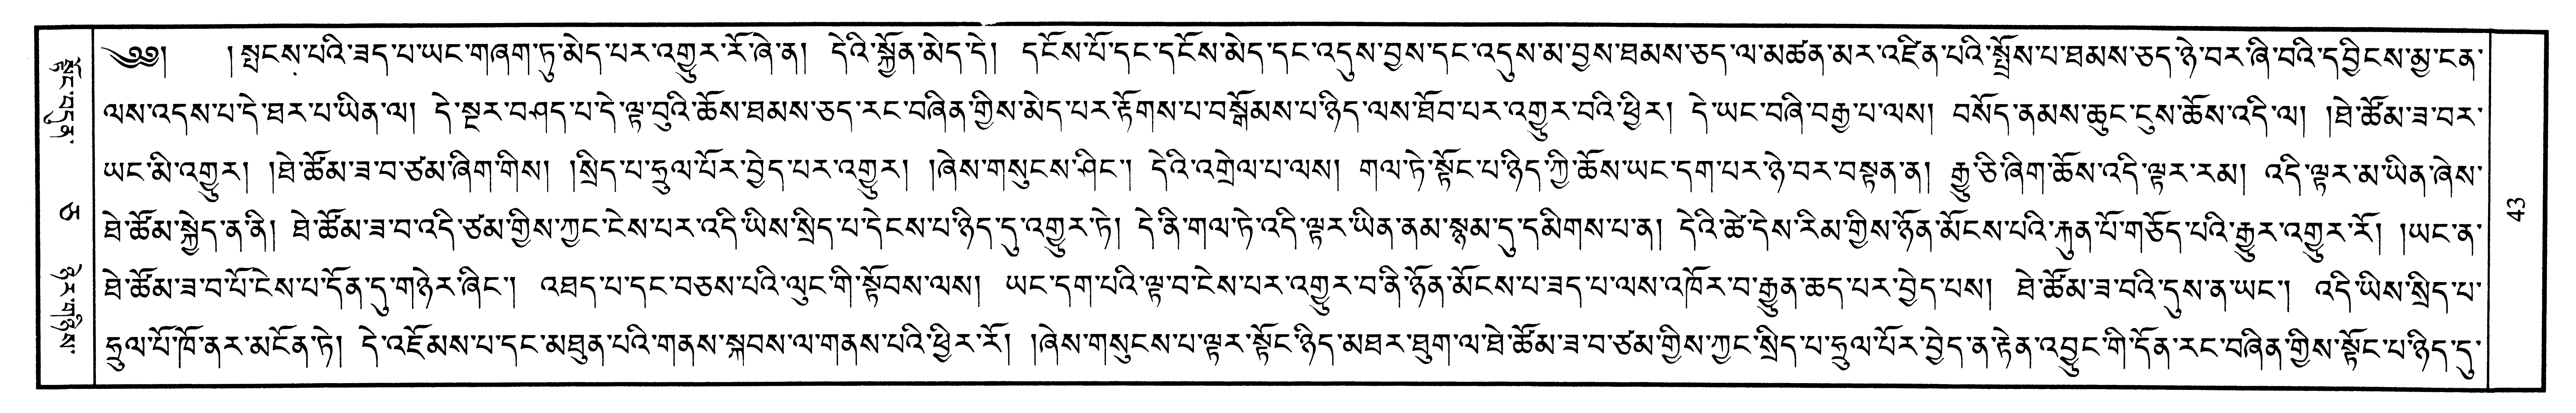༄༅། །སྤངས་པའི་ཟད་པ་ཡང་གཞག་ཏུ་མེད་པར་འགྱུར་རོ་ཞེ་ན། དེའི་སྐྱོན་མེད་དེ། དངོས་པོ་དང་དངོས་མེད་དང་འདུས་བྱས་དང་འདུས་མ་བྱས་ཐམས་ཅད་ལ་མཚན་མར་འཛིན་པའི་སྤྲོས་པ་ཐམས་ཅད་ཉེ་བར་ཞི་བའི་དབྱིངས་མྱ་ངན་
ལས་འདས་པ་དེ་ཐར་པ་ཡིན་ལ། དེ་སྔར་བཤད་པ་དེ་ལྟ་བུའི་ཆོས་ཐམས་ཅད་རང་བཞིན་གྱིས་མེད་པར་རྟོགས་པ་བསྒོམས་པ་ཉིད་ལས་ཐོབ་པར་འགྱུར་བའི་ཕྱིར། དེ་ཡང་བཞི་བརྒྱ་པ་ལས། བསོད་ནམས་ཆུང་ངུས་ཆོས་འདི་ལ། །ཐེ་ཚོམ་ཟ་བར་
ཡང་མི་འགྱུར། །ཐེ་ཚོམ་ཟ་བ་ཙམ་ཞིག་གིས། །སྲིད་པ་ཧྲུལ་པོར་བྱེད་པར་འགྱུར། །ཞེས་གསུངས་ཤིང་། དེའི་འགྲེལ་པ་ལས། གལ་ཏེ་སྟོང་པ་ཉིད་ཀྱི་ཆོས་ཡང་དག་པར་ཉེ་བར་བསྟན་ན། རྒྱུ་ཅི་ཞིག་ཆོས་འདི་ལྟར་རམ། འདི་ལྟར་མ་ཡིན་ཞེས་
ཐེ་ཚོམ་སྐྱེད་ན་ནི། ཐེ་ཚོམ་ཟ་བ་འདི་ཙམ་གྱིས་ཀྱང་ངེས་པར་འདི་ཡིས་སྲིད་པ་དེངས་པ་ཉིད་དུ་འགྱུར་ཏེ། དེ་ནི་གལ་ཏེ་འདི་ལྟར་ཡིན་ནམ་སྙམ་དུ་དམིགས་པ་ན། དེའི་ཚེ་དེས་རིམ་གྱིས་ཉོན་མོངས་པའི་རྐུན་པོ་གཅོད་པའི་རྒྱུར་འགྱུར་རོ། །ཡང་ན་
ཐེ་ཚོམ་ཟ་བ་པོ་ངེས་པ་དོན་དུ་གཉེར་ཞིང་། འཐད་པ་དང་བཅས་པའི་ལུང་གི་སྟོབས་ལས། ཡང་དག་པའི་ལྟ་བ་ངེས་པར་འགྱུར་བ་ནི་ཉོན་མོངས་པ་ཟད་པ་ལས་འཁོར་བ་རྒྱུན་ཆད་པར་བྱེད་པས། ཐེ་ཚོམ་ཟ་བའི་དུས་ན་ཡང་། འདི་ཡིས་སྲིད་པ་
ཧྲུལ་པོ་ཁོ་ནར་མངོན་ཏེ། དེ་འཇོམས་པ་དང་མཐུན་པའི་གནས་སྐབས་ལ་གནས་པའི་ཕྱིར་རོ། །ཞེས་གསུངས་པ་ལྟར་སྟོང་ཉིད་མཐར་ཐུག་ལ་ཐེ་ཚོམ་ཟ་བ་ཙམ་གྱིས་ཀྱང་སྲིད་པ་ཧྲུལ་པོར་བྱེད་ན་རྟེན་འབྱུང་གི་དོན་རང་བཞིན་གྱིས་སྟོང་པ་ཉིད་དུ་